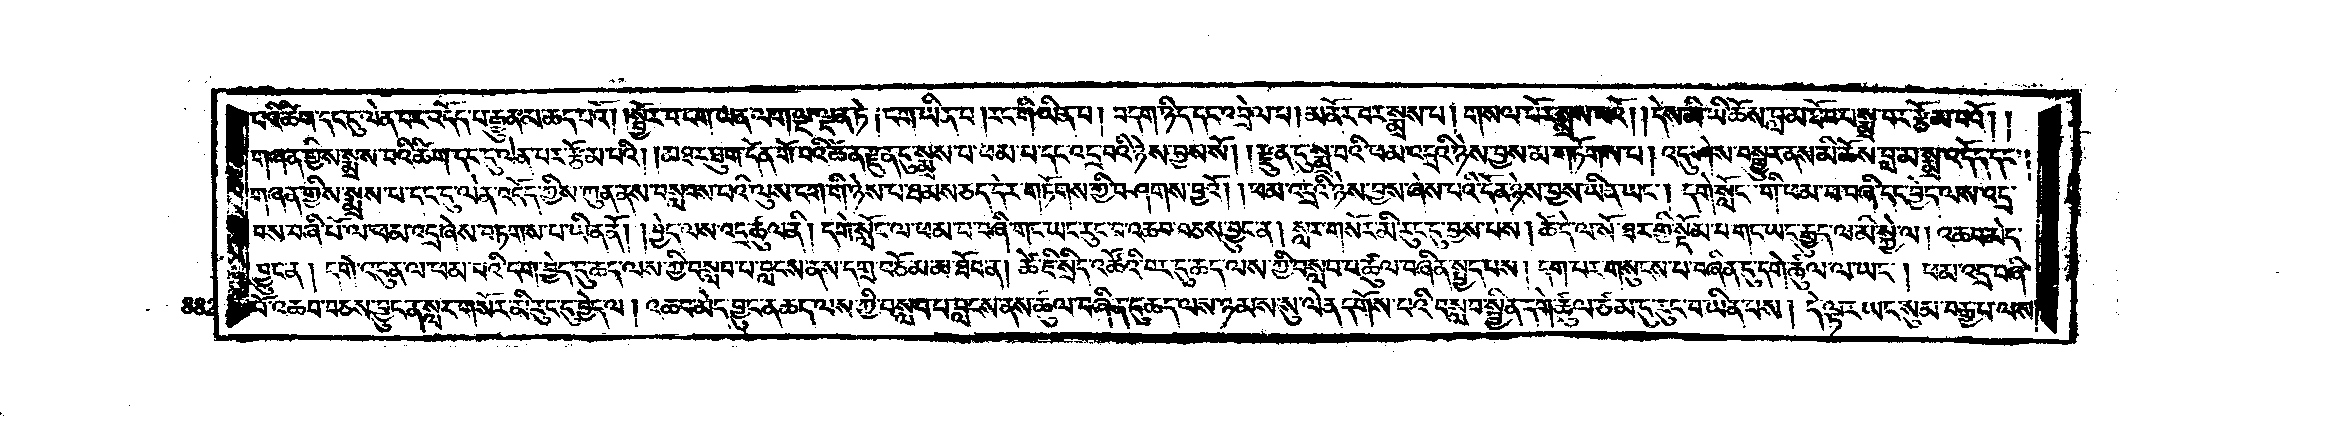བའི་ཚིག་དང་དུ་ལེན་པར་འདོད་པ་རྒྱུན་མ་ཆད་པའོ། །སྦྱོར་བ་ངག་ཡན་ལག་ལྔ་ལྡན་ཏེ། ངག་ཡིན་པ། རང་གི་ཡིན་པ། བདག་ཉིད་དང་འབྲེལ་པ། མ་ནོར་བར་སྨྲས་པ། གསལ་པོར་སྨྲས་པའོ། །དེས་མི་ཡི་ཆོས་བླ་མ་ཐོབ་པ་སྨྲ་བར་རྩོམ་པའོ། །
གཞན་གྱིས་སྨྲས་པའི་ཚིག་དང་དུ་ལེན་པར་རྩོམ་པའི། །མཐར་ཐུག་དོན་གོ་བའི་ཚེ་ན་རྫུན་དུ་སྨྲས་པ་ཕམ་པ་དང་འདྲ་བའི་ཉེས་བྱས་སོ། །རྫུན་དུ་སྨྲ་བའི་ཕམ་འདྲའི་ཉེས་བྱས་མ་གཏོགས་པ། འདུ་ཤེས་བསྒྱུར་ནས་མི་ཆོས་བླ་མ་སྨྲ་འདོད་དང་།
གཞན་གྱིས་སྨྲས་པ་དང་དུ་ལེན་འདོད་ཀྱིས་ཀུན་ནས་བསླབས་པའི་ལུས་ངག་གི་ཉེས་པ་ཐམས་ཅད་དེར་གཏོགས་ཀྱི་བཤགས་བྱའོ། །ཕམ་འདྲའི་ཉེས་བྱས་ཞེས་པའི་དོན་ཉེས་བྱས་ཡིན་ཡང་། དགེ་སློང་གི་ཕམ་པ་བཞི་དང་བྱེད་ལས་འདྲ་
བས་བཞི་པོ་ལ་ཕམ་འདྲ་ཞེས་བཏགས་པ་ཡིན་ནོ། །བྱེད་ལས་འདྲ་ཚུལ་ནི། དགེ་སློང་ལ་ཕམ་པ་བཞི་གང་ཡང་རུང་བ་འཆབ་བཅས་བྱུང་ན། སླར་གསོར་མི་རུང་དུ་བྱས་པས། ཚེ་དེ་ལ་སོ་ཐར་གྱི་སྡོམ་པ་གང་ཡང་རྒྱུད་ལ་མི་སྐྱེ་ལ། འཆབ་མེད་
བྱུང་ན། དགེ་འདུན་ལ་ཕམ་པའི་དག་བྱེད་དུ་ཆད་ལས་ཀྱི་བསླབ་པ་བླངས་ནས་དགྲ་བཅོམ་མ་ཐོབ་ན། ཚེ་ཇི་སྲིད་འཚོའི་བར་དུ་ཆད་ལས་ཀྱི་བསླབ་པ་ཚུལ་བཞིན་སྤྱད་པས། དག་པར་གསུངས་པ་བཞིན་དུ་དགེ་ཚུལ་ལ་ཡང་། ཕམ་འདྲ་བཞི་
པོ་འཆབ་བཅས་བྱུང་ན་སླར་གསོར་མི་རུང་དུ་བྱེད་ལ། འཆབ་མེད་བྱུང་ན་ཆད་ལས་ཀྱི་བསླབ་པ་བླངས་ནས་ཚུལ་བཞིན་དུ་ཆད་ལས་ཉམས་སུ་ལེན་དགོས་པའི་བསླབ་སྦྱིན་དགེ་ཚུལ་ཙམ་དུ་རུང་བ་ཡིན་པས། དེ་ལྟར་ཡང་སུམ་བརྒྱ་པ་ལས་